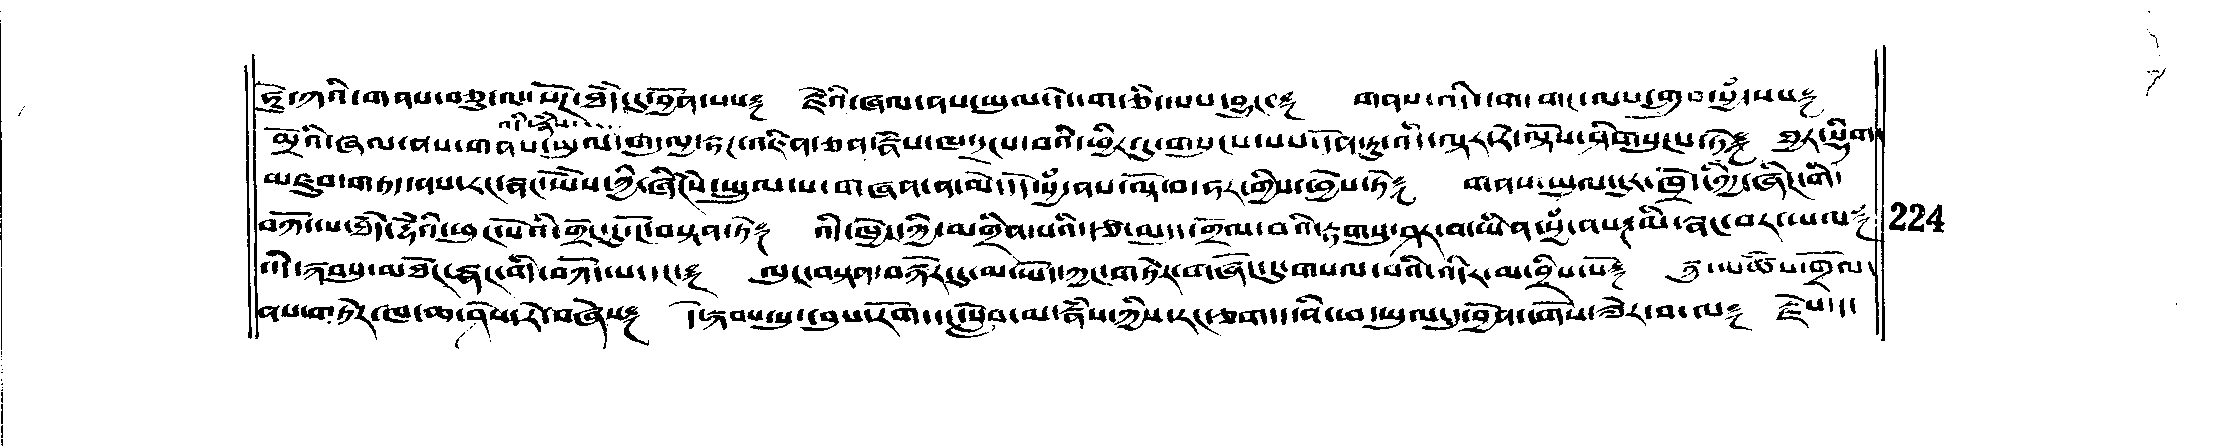ཧེ་རུ་ཀའི་གནས་བཅུ་ལ་སོགས་ཐམས་ཅད་དུ་བྱོན་པས། རྗེའི་ཞལ་ནས་ཡུལ་དེ་དག་ཅི་ལས་བྱུང་། གནས་འདི་དག་གང་ལས་གྲུབ་གསུངས་པས། 
མཁའ་འགྲོའི་ཞལ་ནས་གནས་ཡུལ་འདི་རྣམས་གདུལ་བྱ་རྟགས་འཛིན་ཅན་རྣམས་ཁ་དྲངས་བའི་ཕྱིར་དུ་གསུངས་པས་དོན་དུ་འདི་ལྟར་རེ་ལྟོས་ཤིག་གསུངས་ཏེ། ཐུགས་ཀར་སྡིག་
མཛུབ་གཏད་ནས་རང་སྣང་ཡེ་ཤེས་ཀྱི་ཞིང་ཁམས་སྤྲུལ་པ་གཞན་ན་མེད་དོ་གསུང་ནས་ལྟོ་བ་ཧར་གྱིས་ཕྱེས་ཏེ། གནས་ཡུལ་དུར་ཁྲོད་ཀྱི་ཞིང་གི་
བཀོད་པ་ཐམས་ཅད་རྡོ་རྗེའི་ཕུང་པོའི་གྲོང་དུ་ངོ་བསྟན་ཏེ། འདི་ཁྱོད་ཀྱི་མགྲིན་པའི་རྩ་མདུད་གྲོལ་བའི་རྟགས་སུ་ཤར་བ་ཡིན་གསུང་ནས། མི་སྣང་བར་ཡལ། 
འདི་སྐབས་སུ་མཐོང་སྣང་གི་བཀོད་པ་དང་།ལུང་བསྟན་སྐོར་དུ་མ་ཡོད་ཀྱང་གཏེར་གཞུང་དུ་གསལ་བས་འདིར་མ་བྲིས་སོ། སྐུ་མཚམས་གྲོལ་
ནས་གཏེར་ཁ་ཆ་ཤས་རེ་བཞེས། དེ་སྐབས་སུ་དབུས་རོགས་དང་སློབ་མ་རྣམས་ཀྱིས་རང་ཅག་ད་ནི་ཕ་ཡུལ་དུ་བྱོན་དགོས་ཟེར་བ་ལ། རྗེས་ད་